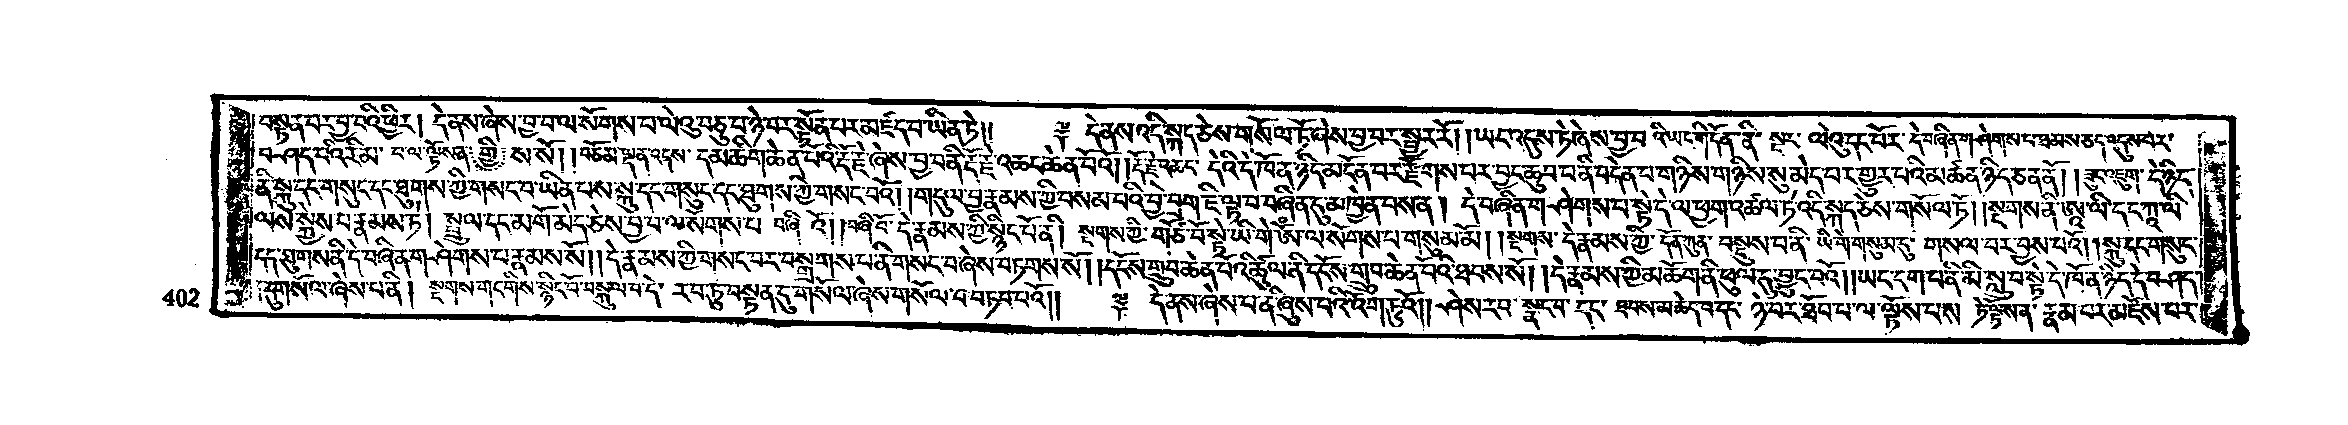བསྟན་པར་བྱ་བའི་ཕྱིར། དེ་ནས་ཞེས་བྱ་བ་ལ་སོགས་པ་ལེའུ་བཅུ་པ་ཉེ་བར་སྟོན་པར་མཛད་པ་ཡིན་ཏེ།། ༈ དེ་ནས་འདི་སྐད་ཅེས་གསོལ་ཏོ་ཞེས་བྱ་བར་སྦྱར་རོ། །ཡང་འདུས་ཏེ་ཞེས་བྱ་བའི་ཡང་གི་དོན་ནི་སྔར་ལེའུ་དང་པོར་དེ་བཞིན་གཤེགས་པ་ཐམས་ཅད་འདུས་བར
བཤད་པའི་རིམ་པ་ལ་ལྟོས་ན་གྱིས་སོ། ། བཅོམ་ལྡན་འདས་དམ་ཚིག་ཆེན་པོའི་རྡོ་རྗེ་ཞེས་བྱ་བ་ནི་རྡོ་རྗེ་འཆང་ཆེན་པོའོ། ། རྡོ་རྗེ་འཆང་དེའི་དེ་ཁོ་ན་ཉིད་མངོན་པར་རྫོགས་པར་བྱང་ཆུབ་པ་ནི་བདེན་པ་གཉིས་གཉིས་སུ་མེད་པར་གྱུར་པའི་མཚན་ཉིད་ཅན་ནོ། ། ཟུང་འཇུག་དེ་ཉིད་
ནི་སྐུ་དང་གསུང་དང་ཐུགས་ཀྱི་གསང་བ་ཡིན་པས་སྐུ་དང་གསུང་དང་ཐུགས་ཀྱི་གསང་བའོ། །གདུལ་བྱ་རྣམས་ཀྱི་བསམ་པའི་བྱེ་བྲག་ཇི་ལྟ་བ་བཞིན་དུ་མཁྱེན་པས་ན། དེ་བཞིན་གཤེགས་པ་སྟེ་དེ་ལ་ཕྱག་འཚལ་ཏེ་འདི་སྐད་ཅེས་གསོལ་ཏོ། །སྔགས་ནི་ཨཱ་ལི་དང་ཀཱ་ལི་
ལས་སྐྱེས་པ་རྣམས་ཏེ། སྦྲུལ་དང་མགོ་མེད་ཅེས་བྱ་བ་ལ་སོགས་པ་བཞིའོ། ། བཞིའོ་དེ་རྣམས་ཀྱི་སྙིང་པོ་ནི། སྔགས་ཀྱི་གཙོ་བོ་སྟེ་ཡི་གེ་ཨོཾ་ལ་སོགས་པ་གསུམ་མོ། ། སྔགས་དེ་རྣམས་ཀྱི་དོན་ཀུན་བསྡུས་པ་ནི་ཡི་གེ་གསུམ་དུ་གསལ་བར་བྱས་པའོ། །སྐུ་དང་གསུང་
དང་ཐུགས་ནི་དེ་བཞིན་གཤེགས་པ་རྣམས་སོ། །དེ་རྣམས་ཀྱི་གསང་བར་བསྒྲགས་པ་ནི་གསང་བ་ཞེས་བཏགས་སོ། །དངོས་གྲུབ་ཆེན་པོའི་ཚུལ་ནི་དངོས་གྲུབ་ཆེན་པོའི་ཐབས་སོ། །དེ་རྣམས་ཀྱི་མཆོག་ནི་ཕུལ་དུ་བྱུང་བའོ། །ཡང་དག་པ་ནི་མི་སླུ་བ་སྟེ་དེ་ཁོ་ན་ཉིད་དེ་བཤད་
དུ་གསོལ་ཞེས་པ་ནི། སྔགས་གང་གིས་སྙིང་པོ་བསྐུལ་བ་དེ་རབ་ཏུ་བསྟན་དུ་གསོལ་ཞེས་གསོལ་བ་བཏབ་པའོ།། ༈ དེ་ནས་ཞེས་པ་ནི་ཞུས་པའི་འོག་ཏུའོ། །ཤེས་རབ་སྣང་བ་དང་ཐབས་མཆེད་པ་དང་ཉེ་བར་ཐོབ་པ་ལ་ལྟོས་པས་ཏེ་ལྟོས་ན་རྣམ་པར་མཛེས་པ་